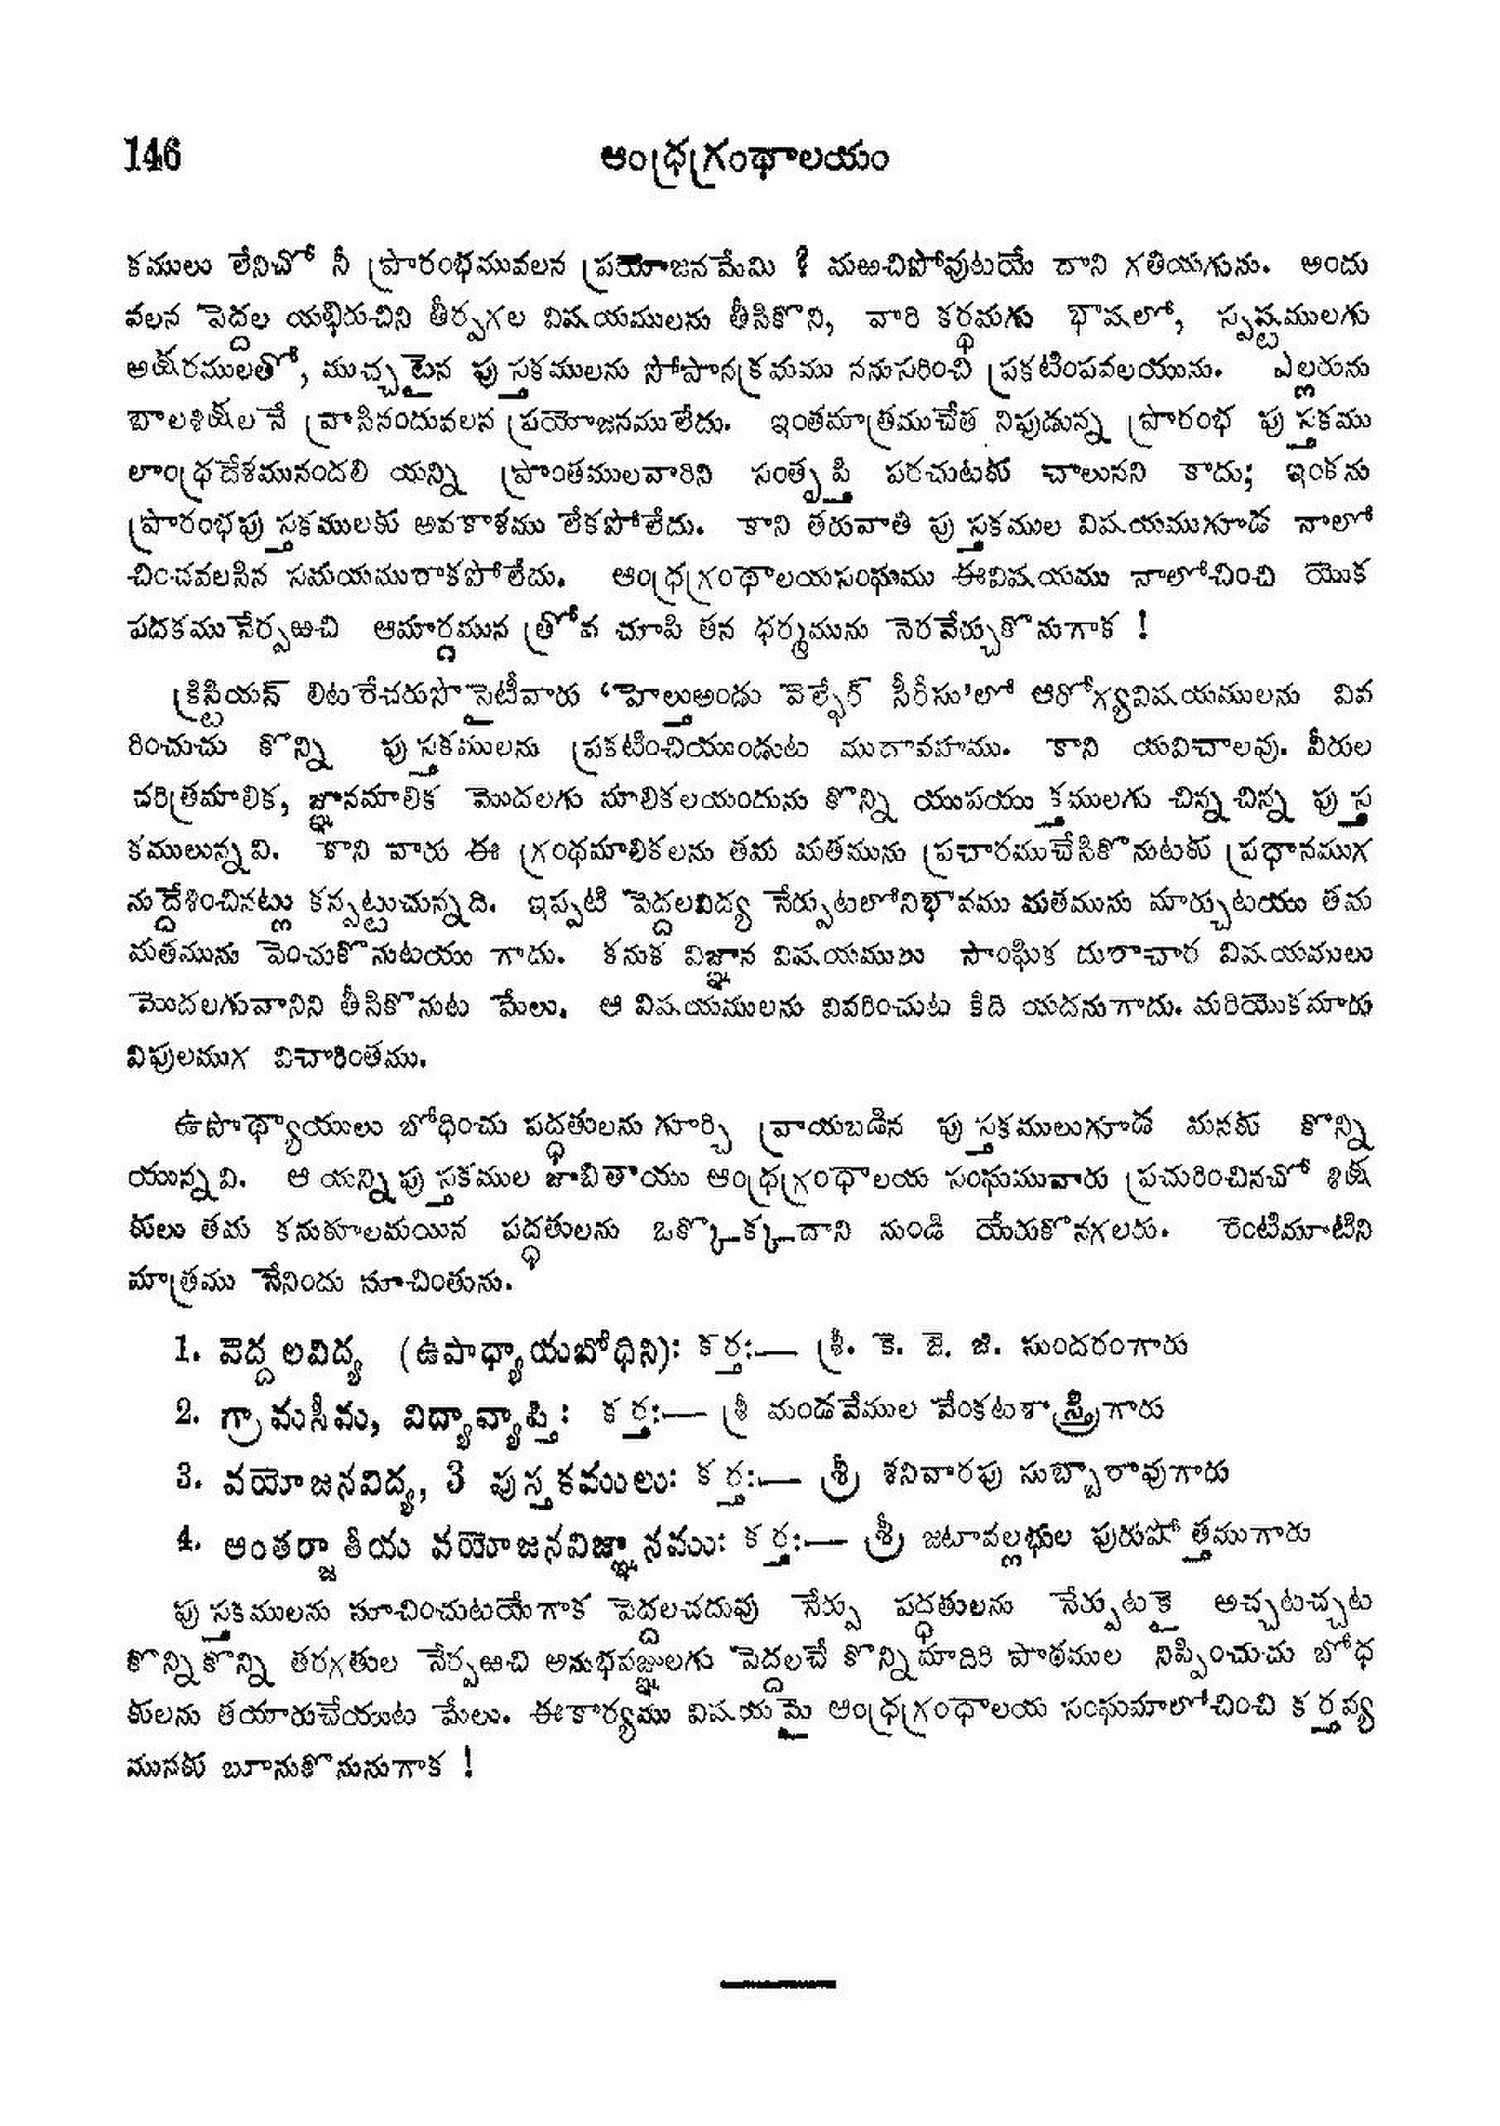కములు లేనిచో నీ ప్రారంభమువలన ప్రయోజనమేమి? మఱచిపోవుటయే దాని గతియగును. అందువలన పెద్దల యభిరుచిని 
తీర్పగల విషయములను తీసికొని, వారి కర్దమగు భాషలో, స్పష్టములగు అక్షరములతో, ముచ్చటైన పుస్తకములను సోపానక్రమము ననుసరించి ప్రకటింపవలయును. ఎల్లరును బాలశిక్షలనే వ్రాసినందువలన ప్రయోజనములేదు. ఇంతమాత్రముచేత నిపుడున్న 
ప్రారంభ పుస్తకము లాంధ్రదేశమునందలి యన్ని ప్రాంతములవారిని సంతృప్తి పరచుటకు చాలునని కాదు; ఇంకను
ప్రారంభపుస్తకములకు అవకాశము లేకపోలేదు. కాని తరువాతి పుస్తకముల విషయము గూడ నాలోచించవలసిన సమయమురాకపోలేదు. ఆంధ్రగ్రంథాలయ సంఘాము ఈ విషయము నాలోచించి యొక పదకము నేర్పఱచి ఆమార్గమున త్రోవ చూపి తన ధర్మమును నెరవేర్చుకొనుగాక! 

క్రిస్టియన్ లిటరేచరు సొసైటీవారు 'హెల్తుఅండు వెల్ఫేర్ సీరీసు'లో ఆరోగ్యవిషయములను వివరించుచు కొన్ని పుస్తకములను ప్రకటించియుండుట ముదావహము. కాని యవిచాలవు. వీరులచరిత్రమాలిక, జ్ఞానమాలిక మొదలగు మాలికలయందును కొన్ని 
యుపయుక్తములగు చిన్న చిన్న పుస్తకములున్నవి. కాని వారు ఈ గ్రంథమాలికలను తమ మతమును ప్రచారము చేసికొనుటకు ప్రధానముగనుద్దేశించినట్లు కన్పట్టుచున్నది. ఇప్పటి పెద్దలవిద్య నేర్పుటలోని భావము మతమును మార్చుటయు తమ
మతమును పెంచుకొనుటయు గాదు. కనుక విజ్ఞాన విషయములు సాంఘిక దురాచార విషయములు మొదలగువానిని తీసికొనుట 
మేలు, ఆ విషయములను వివరించుట కిది యదను గాదు. మరియొకమారు విపులముగ విచారింతము.

ఉపాథ్యాయులు బోధించు పద్ధతులను గూర్చి వ్రాయబడిన పుస్తకములుగూడ మనకు కొన్నియున్నవి. ఆయన్ని పుస్తకముల 
జాబితాయు ఆంధ్రగ్రంధాలయ సంఘమువారు ప్రచురించినచో శిక్షకులు తమ కనుకూలమయిన పద్దతులను ఒక్కొక్క దాని నుండి 
యేరుకోనగలరు. రెంటిమూటిని మాత్రము నేనిందు సూచింతును.

1. పెద్దలవిద్య (ఉపాధ్యాయబోధిని): కర్త:- శ్రీ. కె. జె. జి. సుందరం గారు

2. గ్రామసీమ, విద్యావ్యాప్తి: కర్త:-- శ్రీ మండ వేముల వేంకటశాస్త్రి గారు

3. వయోజనవిద్య, 3 పుస్తకములు: కర్త: శ్రీ శనివారపు సుబ్బారావుగారు

4. అంతర్జాతీయ వయోజనవిజ్ఞానము: కర్త:- శ్రీ జటావల్లభుల పురుషోత్తముగారు

పుస్తకములను సూచించుటయేగాక పెద్దల చదువు నేర్పు పద్ధతులను నేర్పుటకై అచ్చటచ్చట కొన్ని కొన్ని తరగతులు నేర్పఱచి అనుభవజ్ఞులగు 'పెద్దలచే కొన్ని మాదిరి పాఠములు నిప్పించుచు బోధకులను తయారుచేయుట మేలు. ఈకార్యము విషయమై ఆంధ్రగ్రంధాలయ సంఘమాలోచించి కర్తవ్యమునకు బూనుకొనునుగాక!